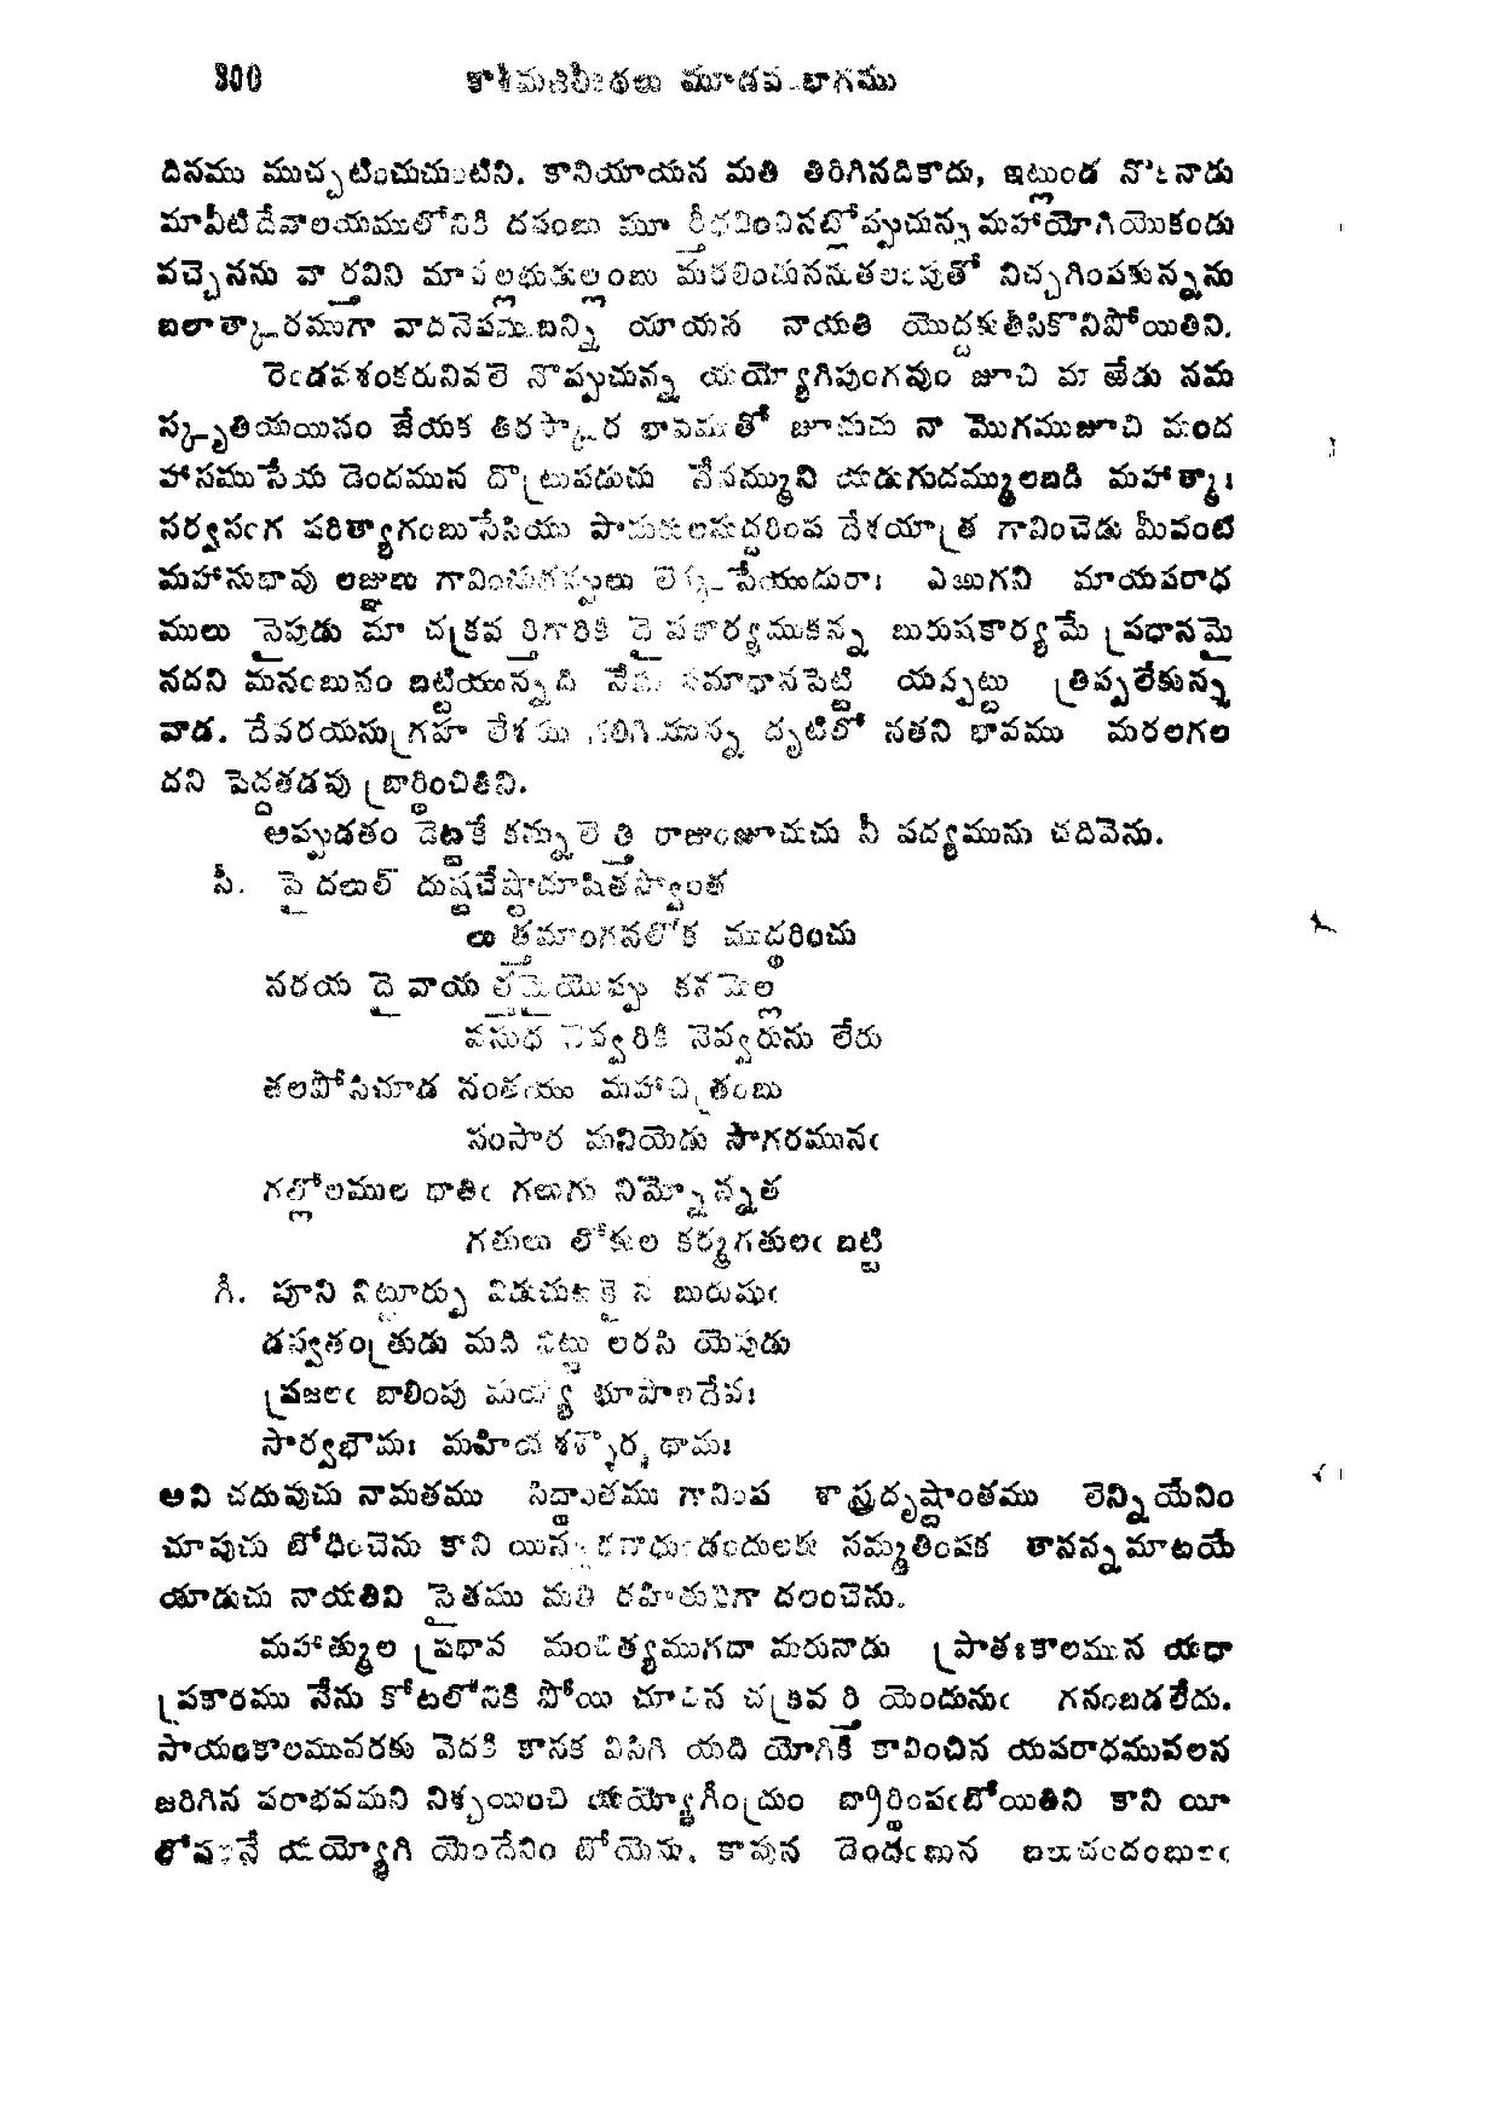దినము ముచ్చటించుచుంటిని. కానియాయన మతి తిరిగినదికాదు, ఇట్లుండ నొకనాడు
మావీటిదేవాలయములోనికి దపంబు మూర్తీభవించిన ట్లొప్పుచున్న మహాయోగియొకండు వచ్చెనను వార్త విని మావల్లభుడుల్లంబు మరలించుననుతలంపుతో నిచ్చగింపకున్నను బలాత్కారముగా వాదనెపము బన్ని యాయన నాయతియొద్దకు తీసికొనిపోయితిని.

రెండవశంకరునివలె నొప్పుచున్న యయ్యోగిపుంగవుం జూచి మాఱేడు నమస్కృతియయినం జేయక తిరస్కారభావముతో జూచుచు నా మొగముజూచి మందహాసము సేయ డెందమున దొట్రుపడుచు నేనమ్ముని యడుగుదమ్ములబడి మహాత్మా! సర్వసంగపరిత్యాగంబు సేసియు పామరుల నుద్దరింప దేశయాత్ర గావించెడు మీవంటి మహానుభావు లజ్ఞులు గావించుతప్పులు లెక్క సేయుదురా? ఎఱుగని మాయపరాధములు సైపుడు మా చక్రవర్తిగారికి దైవకార్యముకన్న బురుషకార్యమే ప్రధానమైనదని మనంబునం బట్టియున్నది. నేను సమాధానపెట్టి యప్పట్టు త్రిప్పలేకున్న వాడ. దేవరయనుగ్రహ లేశము గలిగియున్న దృటిలో నతని భావము మరలగలదని పెద్దతడవు బ్రార్థించితిని.

అప్పుడతం డెట్టకే కన్నులెత్తి రాజుంజూచుచు నీ పద్యమును చదివెను.

సీ. పై దలుల్ దుష్టచేష్టాదూషితస్వాంత
 లుత్తమాంగన లోక ముద్థరించు
 నరయ దైవాయత్తమైయొప్పు కనమెల్ల
 వసుధ నెవ్వరికి నెవ్వరును లేరు
 తలపోసిచూడ నంతయు మహాచిత్రంబు
 సంసార మనియెడు సాగరమునఁ
 గల్లోలముల భాతిఁ గలుగు నిమ్నోన్నత
 గతులు లోకుల కర్మగతులఁ బట్టి
గీ. పూని నిట్టూర్పు విడుచుటకై న బురుషుఁ
 డస్వతంత్రుడు మది నిట్టు లరసి యెపుడు
 ప్రజలఁ బాలింపు మయ్య భూపాలదేవ !
 సౌర్వభౌమ! మహియశశ్శౌర్య థామ!
అని చదువుచు నామతము సిద్ధాంతము గావింప శాస్త్రదృష్టాంతము లెన్ని యేనిం చూపుచు బోధించెను కాని యిన్నరనాథుం డందులకు సమ్మతింపక తానన్నమాటయే యాడుచు నాయతిని సైతము మతిరహితునిగా దలంచెను.

మహాత్ముల ప్రభావ మంచిత్యముగదా మరునాడు ప్రాతఃకాలమున యథాప్రకారము నేను కోటలోనికి పోయి చూచిన చక్రవర్తి యెందునుఁ గనంబడలేదు. సాయంకాలమువరకు వెదకి కానక విసిగి యది యోగికి కావించిన యపరాధమువలన జరిగిన పరాభవమని నిశ్చయించి యయ్యోగీంద్రుం బ్రార్థింపఁబోయితిని కాని యీలోపలనే యయ్యోగి యేందేనిం బోయెను. కావున డెందంబున బలుచందంబులఁ